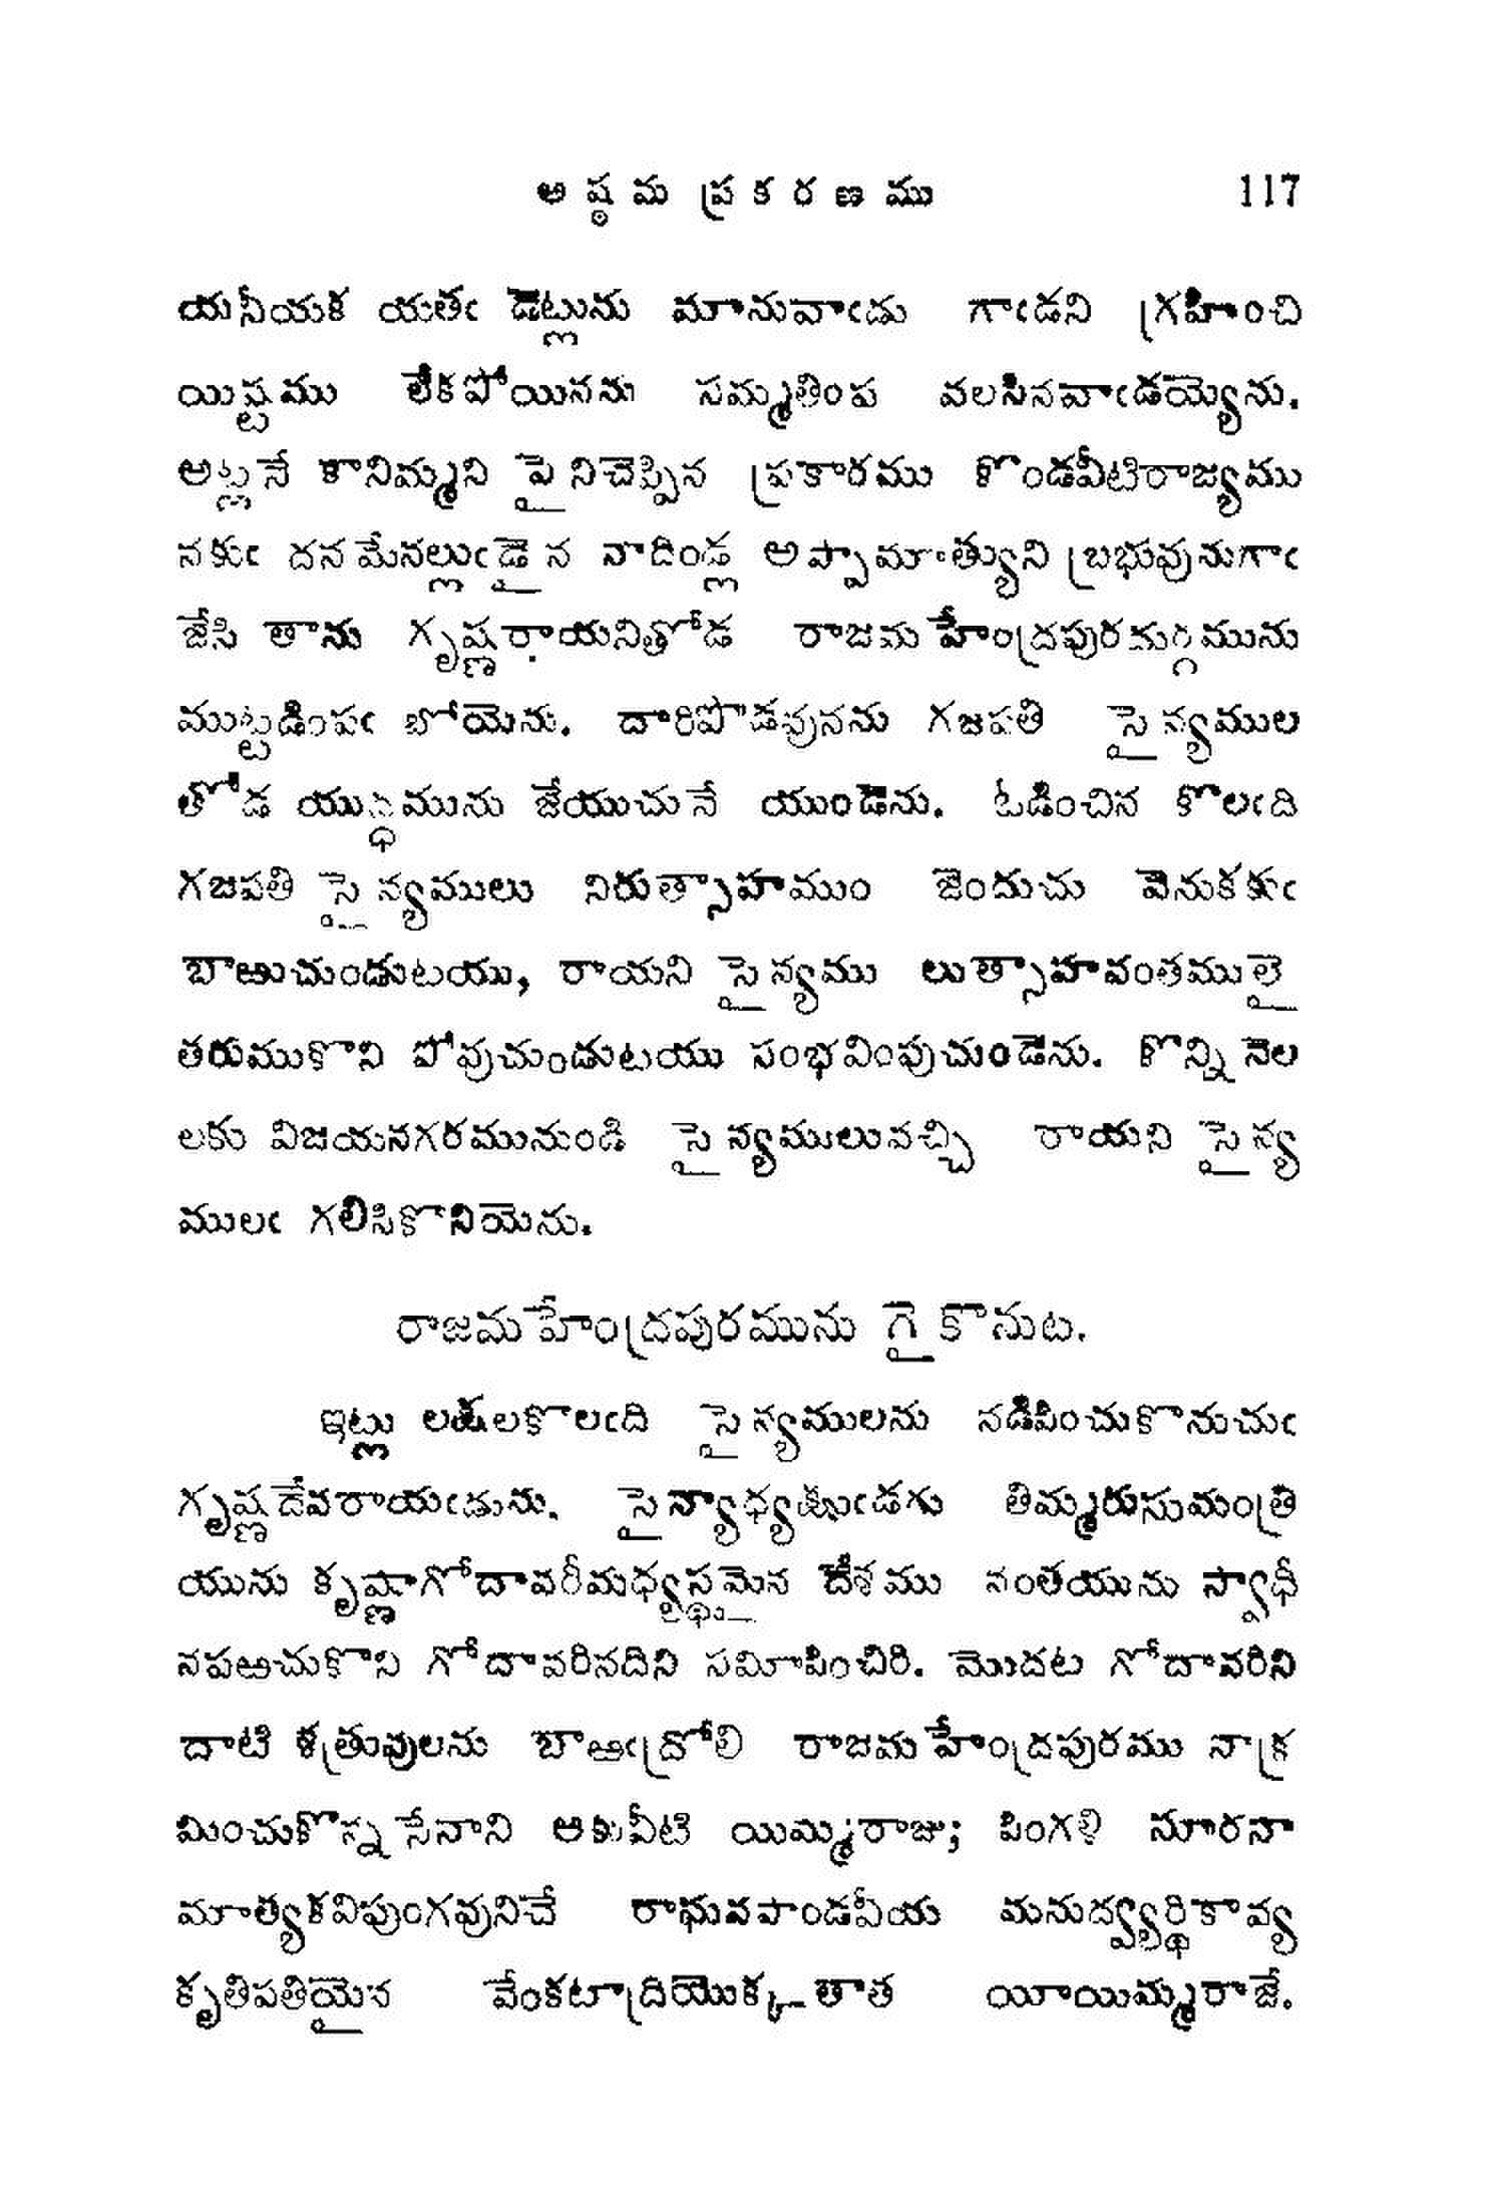యనీయక యతఁ డెట్లును మానువాఁడు గాఁడని గ్రహించి యిష్టము లేకపోయినను సమ్మతింప వలసినవాఁడయ్యెను. అట్లనే కానిమ్మని పైనిచెప్పిన ప్రకారము కొండవీటిరాజ్యమునకుఁ దనమేనల్లుఁడైన నాదిండ్ల అప్పామాత్యుని బ్రభువునుగాఁ జేసి తాను గృష్ణరాయనితోడ రాజమహేంద్రపురదుర్గమును ముట్టడింపఁ బోయెను. దారిపొడవునను గజపతి సైన్యములతోడ యుద్ధమును జేయుచునే యుండెను. ఓడించిన కొలఁది గజపతి సైన్యములు నిరుత్సాహముం జెందుచు వెనుకకుఁ బాఱుచుండుటయు, రాయని సైన్యము లుత్సాహవంతములై తరుముకొని పోవుచుండుటయు సంభవింపుచుండెను. కొన్నినెలలకు విజయనగరమునుండి సైన్యములువచ్చి రాయని సైన్యములఁ గలిసికొనియెను.

రాజమహేంద్రపురమును గైకొనుట.

ఇట్లు లక్షలకొలఁది సైన్యములను నడిపించుకొనుచుఁ గృష్ణదేవరాయఁడును, సైన్యాధ్యక్షుఁడగు తిమ్మరుసుమంత్రియును కృష్ణాగోదావరీమధ్యస్థమైన దేశము నంతయును స్వాధీనపఱచుకొని గోదావరినదిని సమీపించిరి. మొదట గోదావరిని దాటి శత్రువులను బాఱద్రోలి రాజమహేంద్రపురము నాక్రమించుకొన్నసేనాని ఆకువీటి యిమ్మరాజు; పింగళి సూరనామాత్య కవిపుంగవునిచే రాఘవపాండవీయ మనుద్వ్యర్థికావ్య కృతిపతియైన వేంకటాద్రియొక్కతాత యీయిమ్మరాజే.